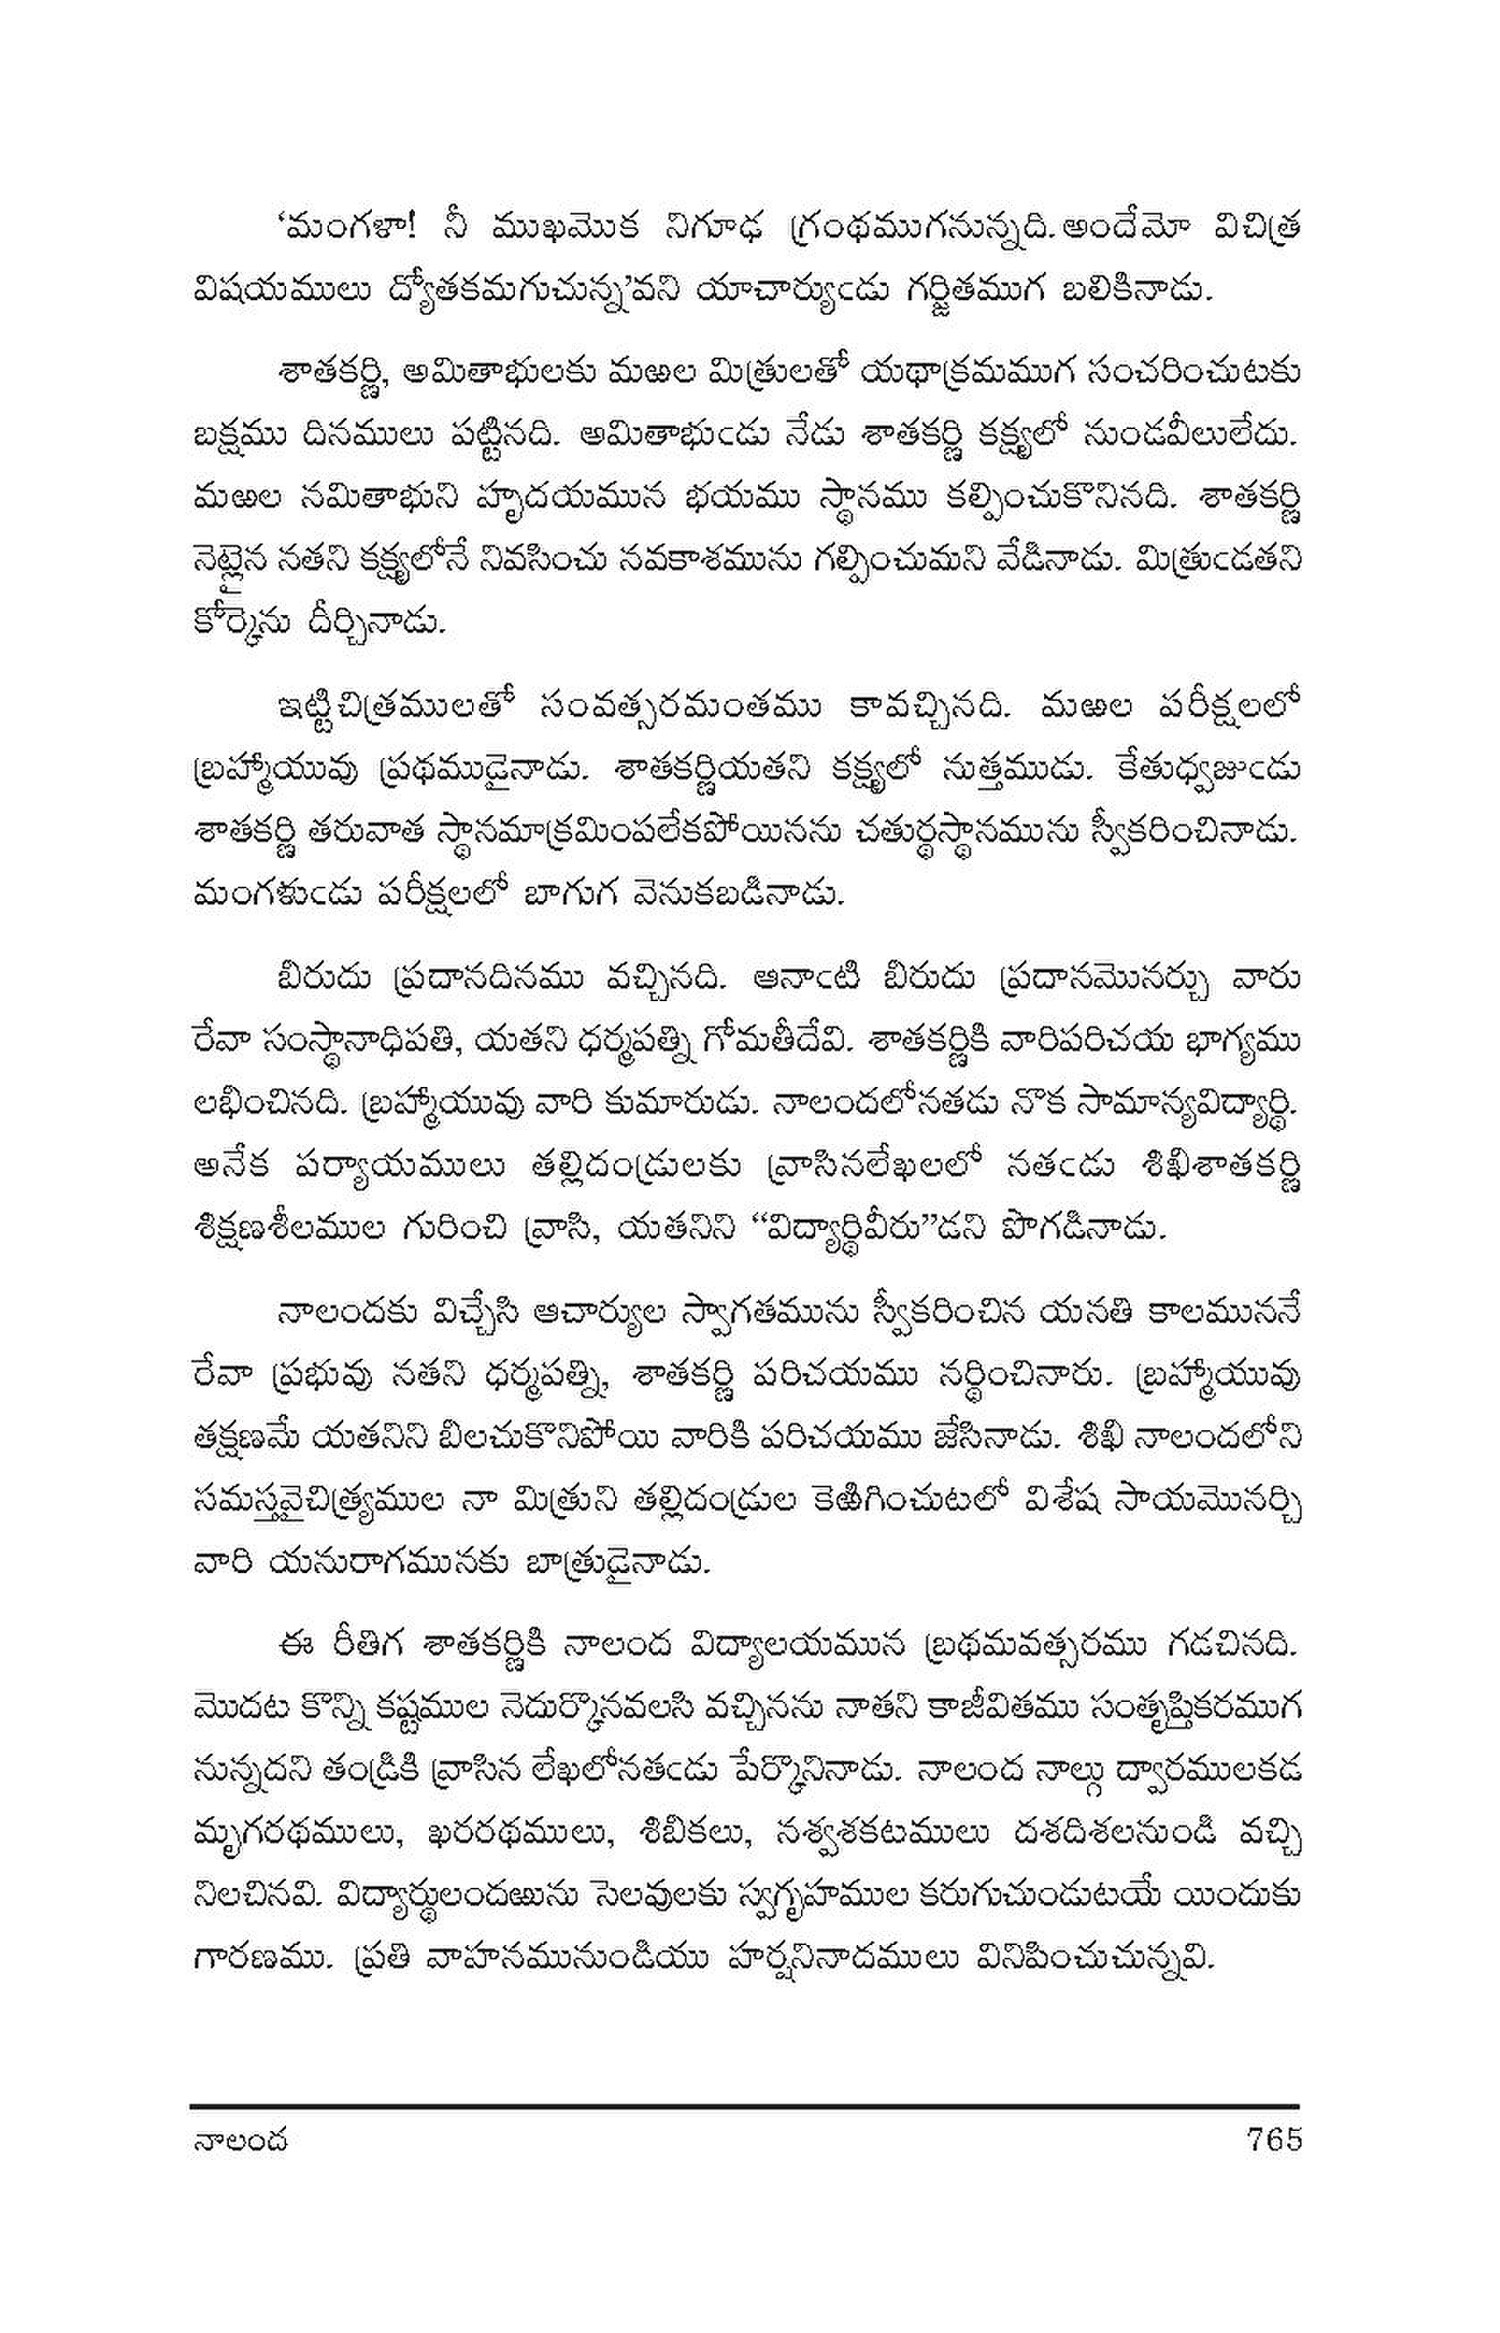'మంగళా! నీ ముఖమొక నిగూఢ గ్రంథముగనున్నది. అందేమో విచిత్ర విషయములు ద్యోతకమగుచున్న వని యాచార్యుఁడు గర్జితముగ బలికినాడు.

శాతకర్ణి, అమితాభులకు మఱల మిత్రులతో యథాక్రమముగ సంచరించుటకు బక్షము దినములు పట్టినది. అమితాభుఁడు నేడు శాతకర్ణి కక్ష్యలో నుండవీలులేదు. మఱల నమితాభుని హృదయమున భయము స్థానము కల్పించుకొనినది. శాతకర్ణి నెట్లైన నతని కక్ష్యలోనే నివసించు నవకాశమును గల్పించుమని వేడినాడు. మిత్రుఁడతని కోర్కెను దీర్చినాడు.

ఇట్టిచిత్రములతో సంవత్సరమంతము కావచ్చినది. మఱల పరీక్షలలో బ్రహ్మాయువు ప్రథముడైనాడు. శాతకర్ణియతని కక్ష్యలో నుత్తముడు. కేతుధ్వజుఁడు శాతకర్ణి తరువాత స్థానమాక్రమింపలేకపోయినను చతుర్థస్థానమును స్వీకరించినాడు. మంగళుఁడు పరీక్షలలో బాగుగ వెనుకబడినాడు.

బిరుదు ప్రదానదినము వచ్చినది. అనాఁటి బిరుదు ప్రదానమొనర్చు వారు రేవా సంస్థానాధిపతి, యతని ధర్మపత్ని గోమతీదేవి. శాతకర్ణికి వారిపరిచయ భాగ్యము లభించినది. బ్రహ్మాయువు వారి కుమారుడు. నాలందలోనతడు నొక సామాన్యవిద్యార్థి. అనేక పర్యాయములు తల్లిదండ్రులకు వ్రాసినలేఖలలో నతఁడు శిఖిశాతకర్ణి శిక్షణశీలముల గురించి వ్రాసి, యతనిని "విద్యార్థివీరు"డని పొగడినాడు.

నాలందకు విచ్చేసి ఆచార్యుల స్వాగతమును స్వీకరించిన యనతి కాలముననే రేవా ప్రభువు నతని ధర్మపత్ని, శాతకర్ణి పరిచయము నర్థించినారు. బ్రహ్మాయువు తక్షణమే యతనిని బిలచుకొనిపోయి వారికి పరిచయము జేసినాడు. శిఖి నాలందలోని సమస్తవైచిత్ర్యముల నా మిత్రుని తల్లిదండ్రుల కెఱిగించుటలో విశేష సాయమొనర్చి వారి యనురాగమునకు బాత్రుడైనాడు.

ఈ రీతిగ శాతకర్ణికి నాలంద విద్యాలయమున బ్రథమవత్సరము గడచినది. మొదట కొన్ని కష్టముల నెదుర్కొనవలసి వచ్చినను నాతని కాజీవితము సంతృప్తికరముగ నున్నదని తండ్రికి వ్రాసిన లేఖలోనతఁడు పేర్కొనినాడు. నాలంద నాల్గు ద్వారములకడ మృగరథములు, ఖరరథములు, శిబికలు, నశ్వశకటములు దశదిశలనుండి వచ్చి నిలచినవి. విద్యార్థులందఱును సెలవులకు స్వగృహములు కరుగుచుండుటయే యిందుకు
గారణము. ప్రతి వాహనమునుండియు హర్షనినాదములు వినిపించుచున్నవి.

నాలంద